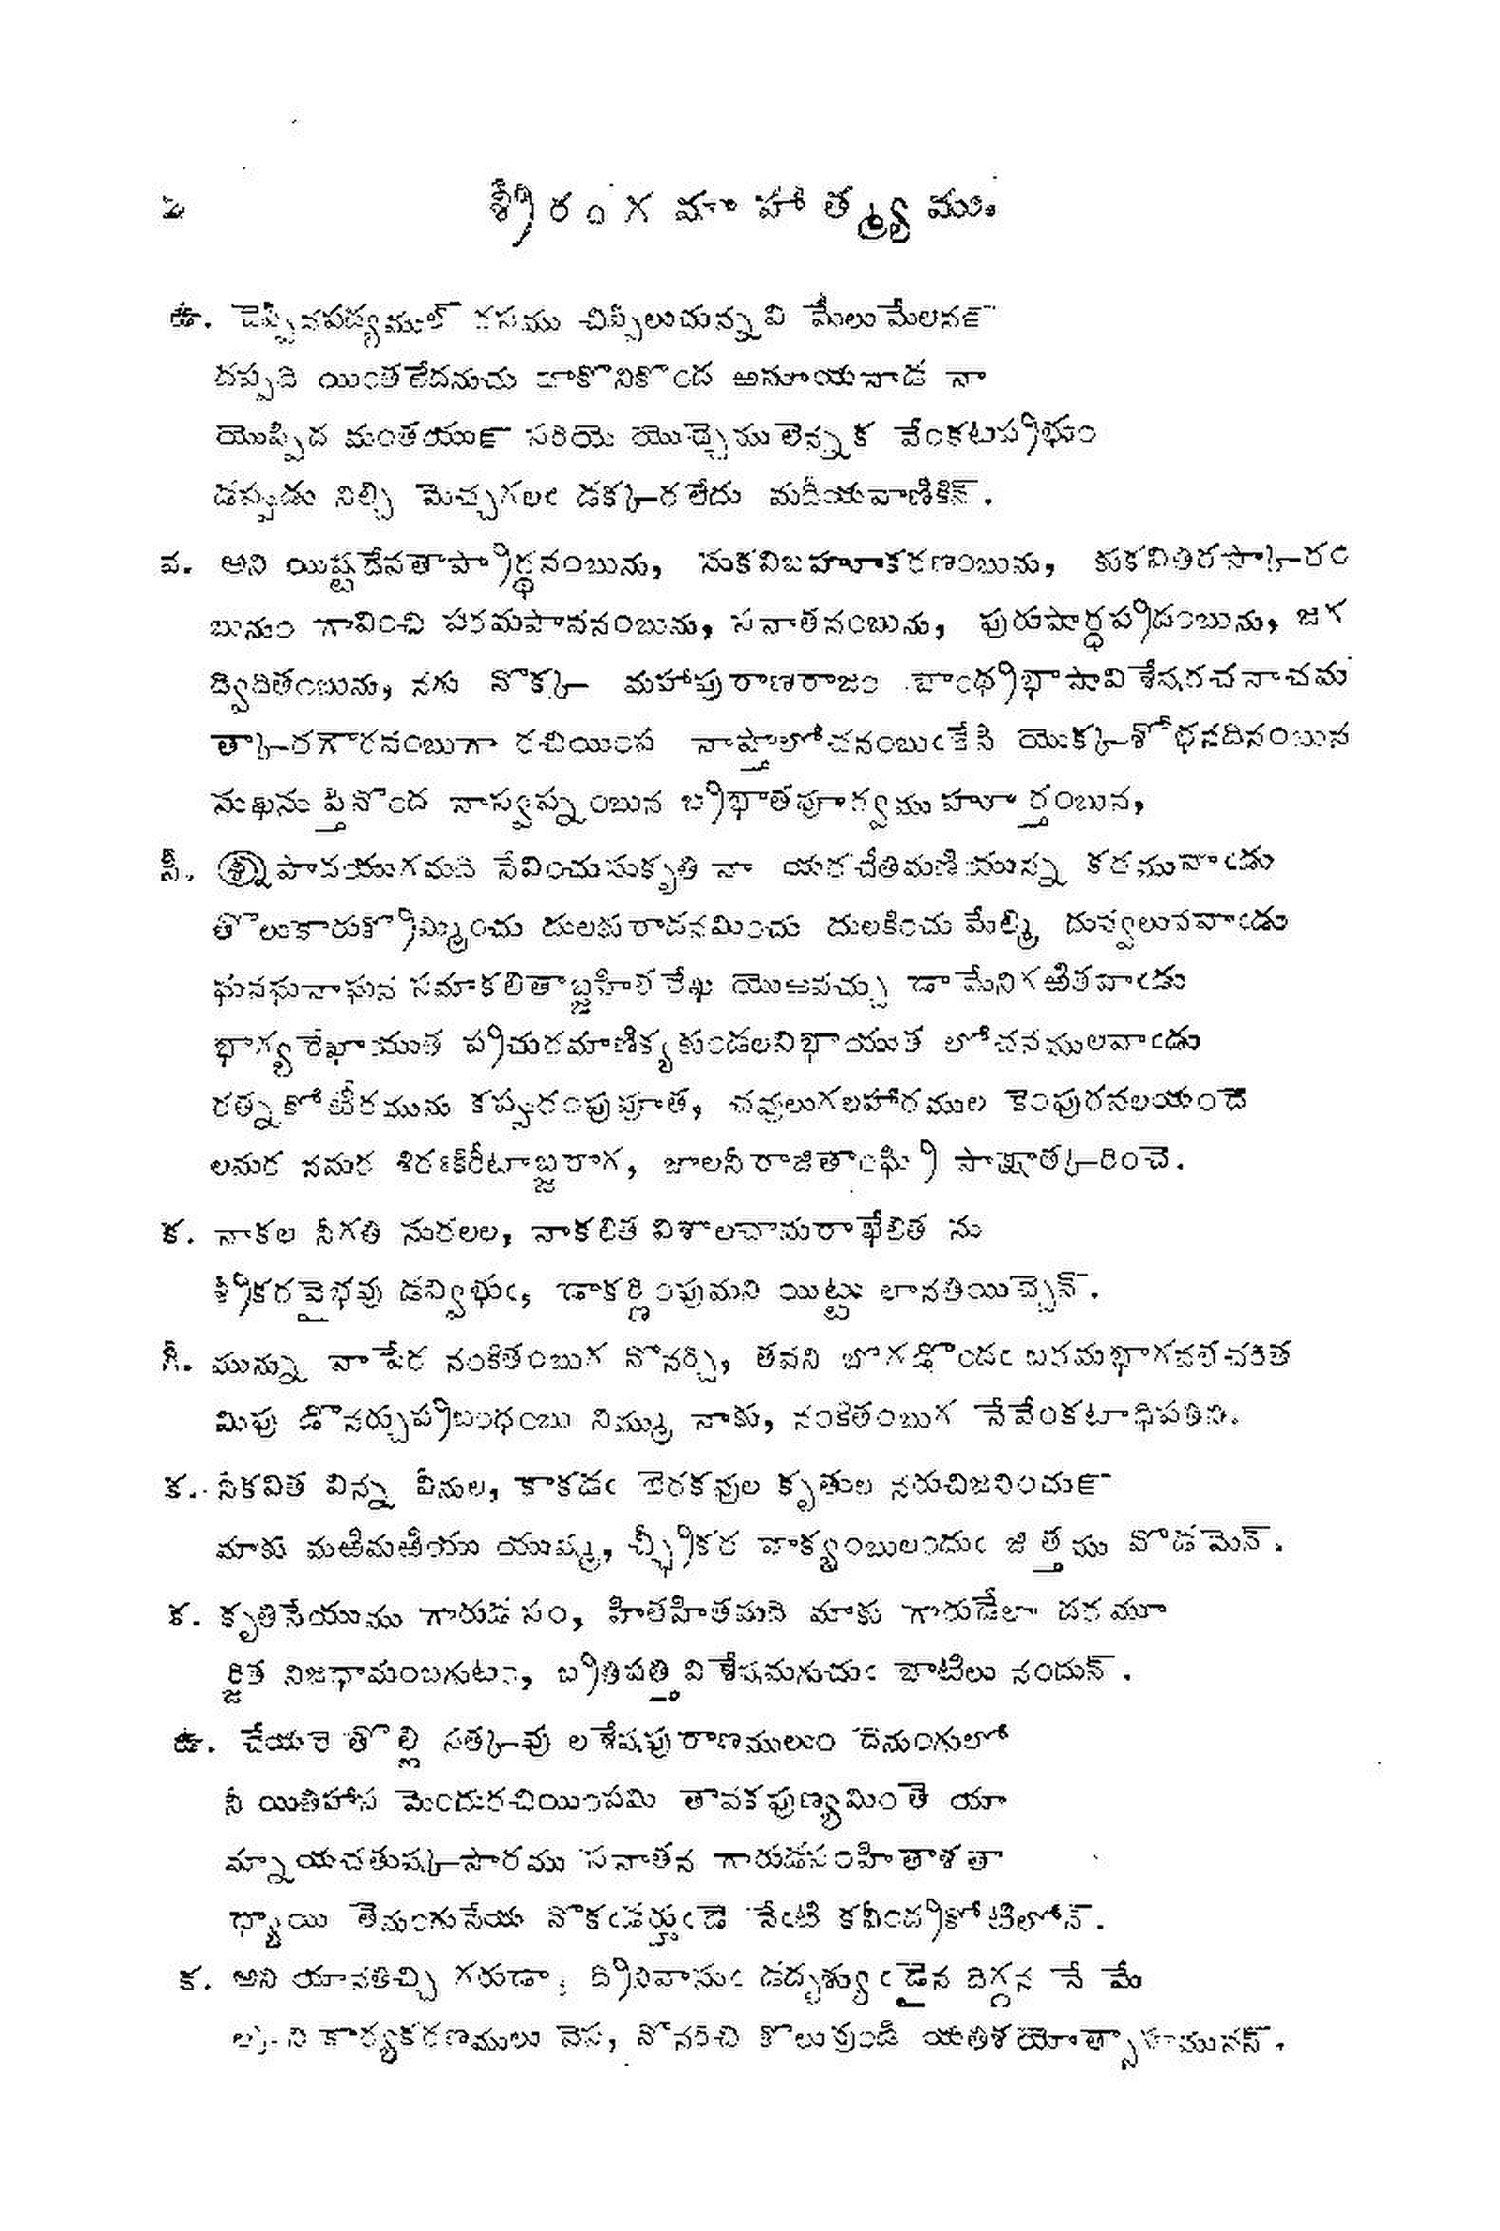ఉ. చెప్పిన పద్యముల్ రసము చిప్పిలుచున్నవి మేలుమేలనన్
 దప్పది యింతలేదనుచు దాకొనికొంద ఱసూయనాడ నా
 యొప్పిద మంతయున్ సరియె యొచ్చెములెన్నక వేంకటప్రభుం
 డప్పుడు నిల్చి మెచ్చగలఁ డక్కరలేదు మదీయవాణికిన్.

వ. అని యిష్టదేవతాప్రార్ధనంబును, సుకవిజహూకరణంబును, కుకవితిరస్కారం
 బునుం గావించి పరమపావనంబును, సనాతనంబును, పురుషార్థప్రదంబును, జగ
 ద్విదితంబును, నగు నొక్కమహాపురాణరాజం బాంధ్రభాషావిశేషరచనాచమ
 త్కారగౌరవంబుగా రచియింప నాప్తాలోచనంబుఁజేసి యొక్కశోభనదినంబున
 సుఖసుప్తినొంద నా స్వప్నంబున బ్రభాతపూర్వముహూర్తంబున,

సీ. శ్రీపాదయుగమది సేవించుసుకృతి నా యరచేతిమణియున్న కరమువాఁడు
 తొలుకారుక్రొమ్మించు దులకురాదనమించు దులకించుమేల్మి దువ్వలువవాఁడు
 ఘనఘనాఘన సమాకలితాబ్జహితరేఖ యొఱవచ్చు డామేనిగఱితవాఁడు
 భాగ్యరేఖాయుత ప్రచురమాణిక్యకుండలనిభాయుత లోచనములవాఁడు
 రత్నకోటీరమును కప్పురంపుపూత, చవులుగలహారముల కెంపురవలయందె
 లమర నమర శిరఃకిరీటాబ్జరాగ, జాలనీరాజితాంఘ్రి సాక్షాత్కరించె.

క. నాకల నీగతి సురలల, నాకలిత విశాలచామరాఖేలిత సు
 శ్రీకరవైభవు డవ్విభుఁ, డాకర్ణింపుమని యిట్టు లానతియిచ్చెన్.

గీ. మున్ను నాపేర నంకితంబుగ నొనర్చి, తవని బొగడొంద బరమభాగవతచరిత
 మిపు డొనర్చు ప్రబంధంబు నిమ్ము నాకు, నంకితంబుగ నేవేంకటాధిపతిని.

క. నీకవిత విన్న వీనుల, కాకడఁ బెరకవుల కృతుల నరుచిజనించున్
 మాకు మఱిమఱియు యుష్మ, చ్ఛ్రీకర వాక్యంబులందుఁ జిత్తము వొడమెన్.

క. కృతి సేయును గారుడసం, హితహితమది మాకు గారుడేలా దరమూ
 ర్జిత నిజధామంబగుటం, బ్రతిపత్తివిశేషమగుచుఁ బాటిలు నందున్.

ఉ. చేయరె తొల్లి సత్కవు లశేషపురాణములుం దెనుంగులో
 నీ యితిహాస మెందురచియింపమి తావకపుణ్యమింతె యా
 మ్నాయచతుష్కసారము సనాతనగారుడసంహితాశతా
 ధ్యాయి తెనుఁగుసేయ నొకఁడర్హుఁడె నేఁటికవీంద్రకోటిలోన్.

క. అని యానతిచ్చి గరుడా, ద్రినివాసుఁ డదృశ్యుడైన దిగ్గన నే మే
 ల్కని కార్యకరణములు వెస, నొనరిచి కొలువుండి యతిశయోత్సాహమునన్.